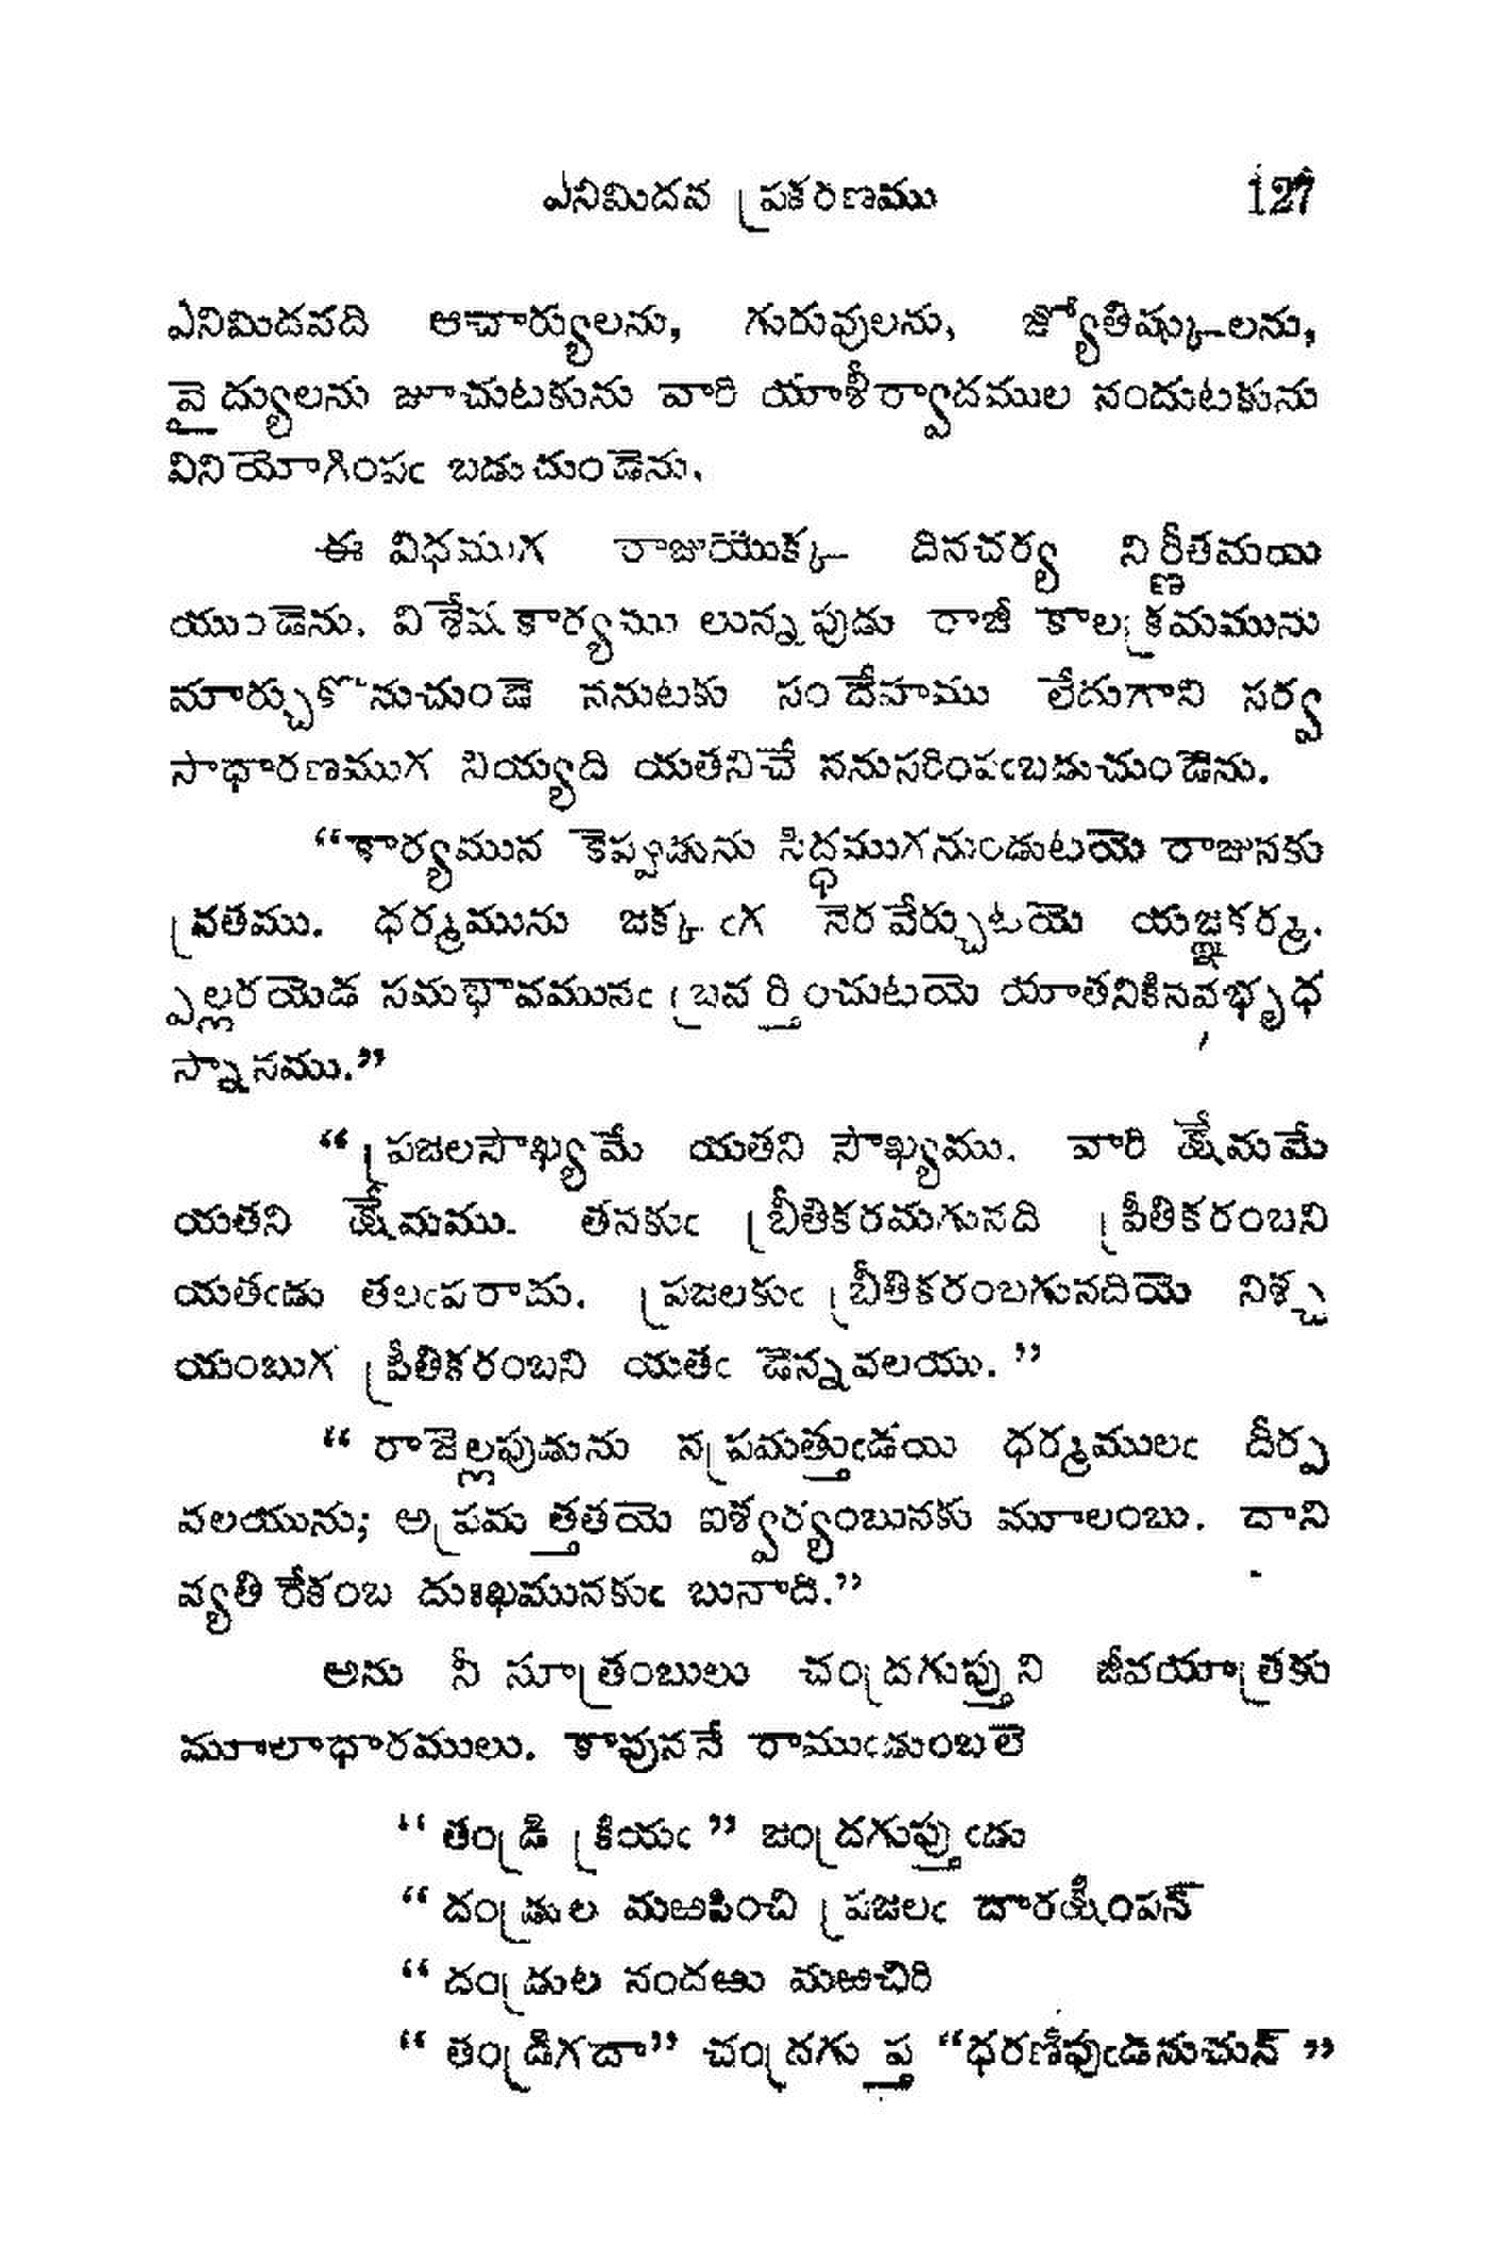ఎనిమిదవది ఆచార్యులను, గురువులను, జ్యోతిష్కులను, వైద్యులను జూచుటకును వారి యాశీర్వాదముల నందుటకును వినియోగింపఁ బడుచుండెను.

ఈ విధముగ రాజుయొక్క.. దినచర్య నిర్ణీతమయి యుండెను, విశేషకార్యము లున్నపుడు రాజీ కాలక్రమమును మార్చుకొనుచుండె ననుటకు సందేహము లేదుగాని సర్యసాధారణముగ నియ్యది యతనిచే ననుసరింపఁబడుచుండెను. 

"కార్యమున కెప్పుడును సిద్దముగనుండుటయె రాజునకు వ్రతము. ధర్మమును జక్కఁగ నెరవేర్చుటయె యజ్ఞకర్మ. ఎల్లరయెడ సమభావమునఁ బ్రవర్తించుటయె యాతనికినవభృధ స్నానము.”

"ప్రజలసౌఖ్యమే యతని సౌఖ్యము. వారి క్షేమమే యతని క్షేమము. తనకుఁ బ్రీతికరమగునది ప్రీతికరంబని యతఁడు తలఁపరాదు. ప్రజలకుఁ బ్రీతికరంబగునదియె నిశ్చయంబుగ ప్రీతికరంబని యతఁ డెన్నవలయు."

"రాజెల్లపుడును నప్రమత్తుఁడయి ధర్మములఁ దీర్పవలయును; అప్రమత్తతయె ఐశ్వర్యంబునకు మూలంబు. దాని వ్యతి రేకంబ దుఃఖమునకుఁ బునాది.”

అను నీ సూత్రంబులు చంద్రగుప్తుని జీవయాత్రకు మూలాధారములు. కావుననే రాముఁడుంబలె

"తండ్రి క్రియఁ" జంద్రగుప్తుఁడు 

“దండ్రుల మఱపించి ప్రజలఁ దారక్షింపన్ 

“దండ్రుల నందఱు మఱచిరి 

“తండ్రిగదా" చంద్రగుప్త “ధరణివుఁడనుచున్"